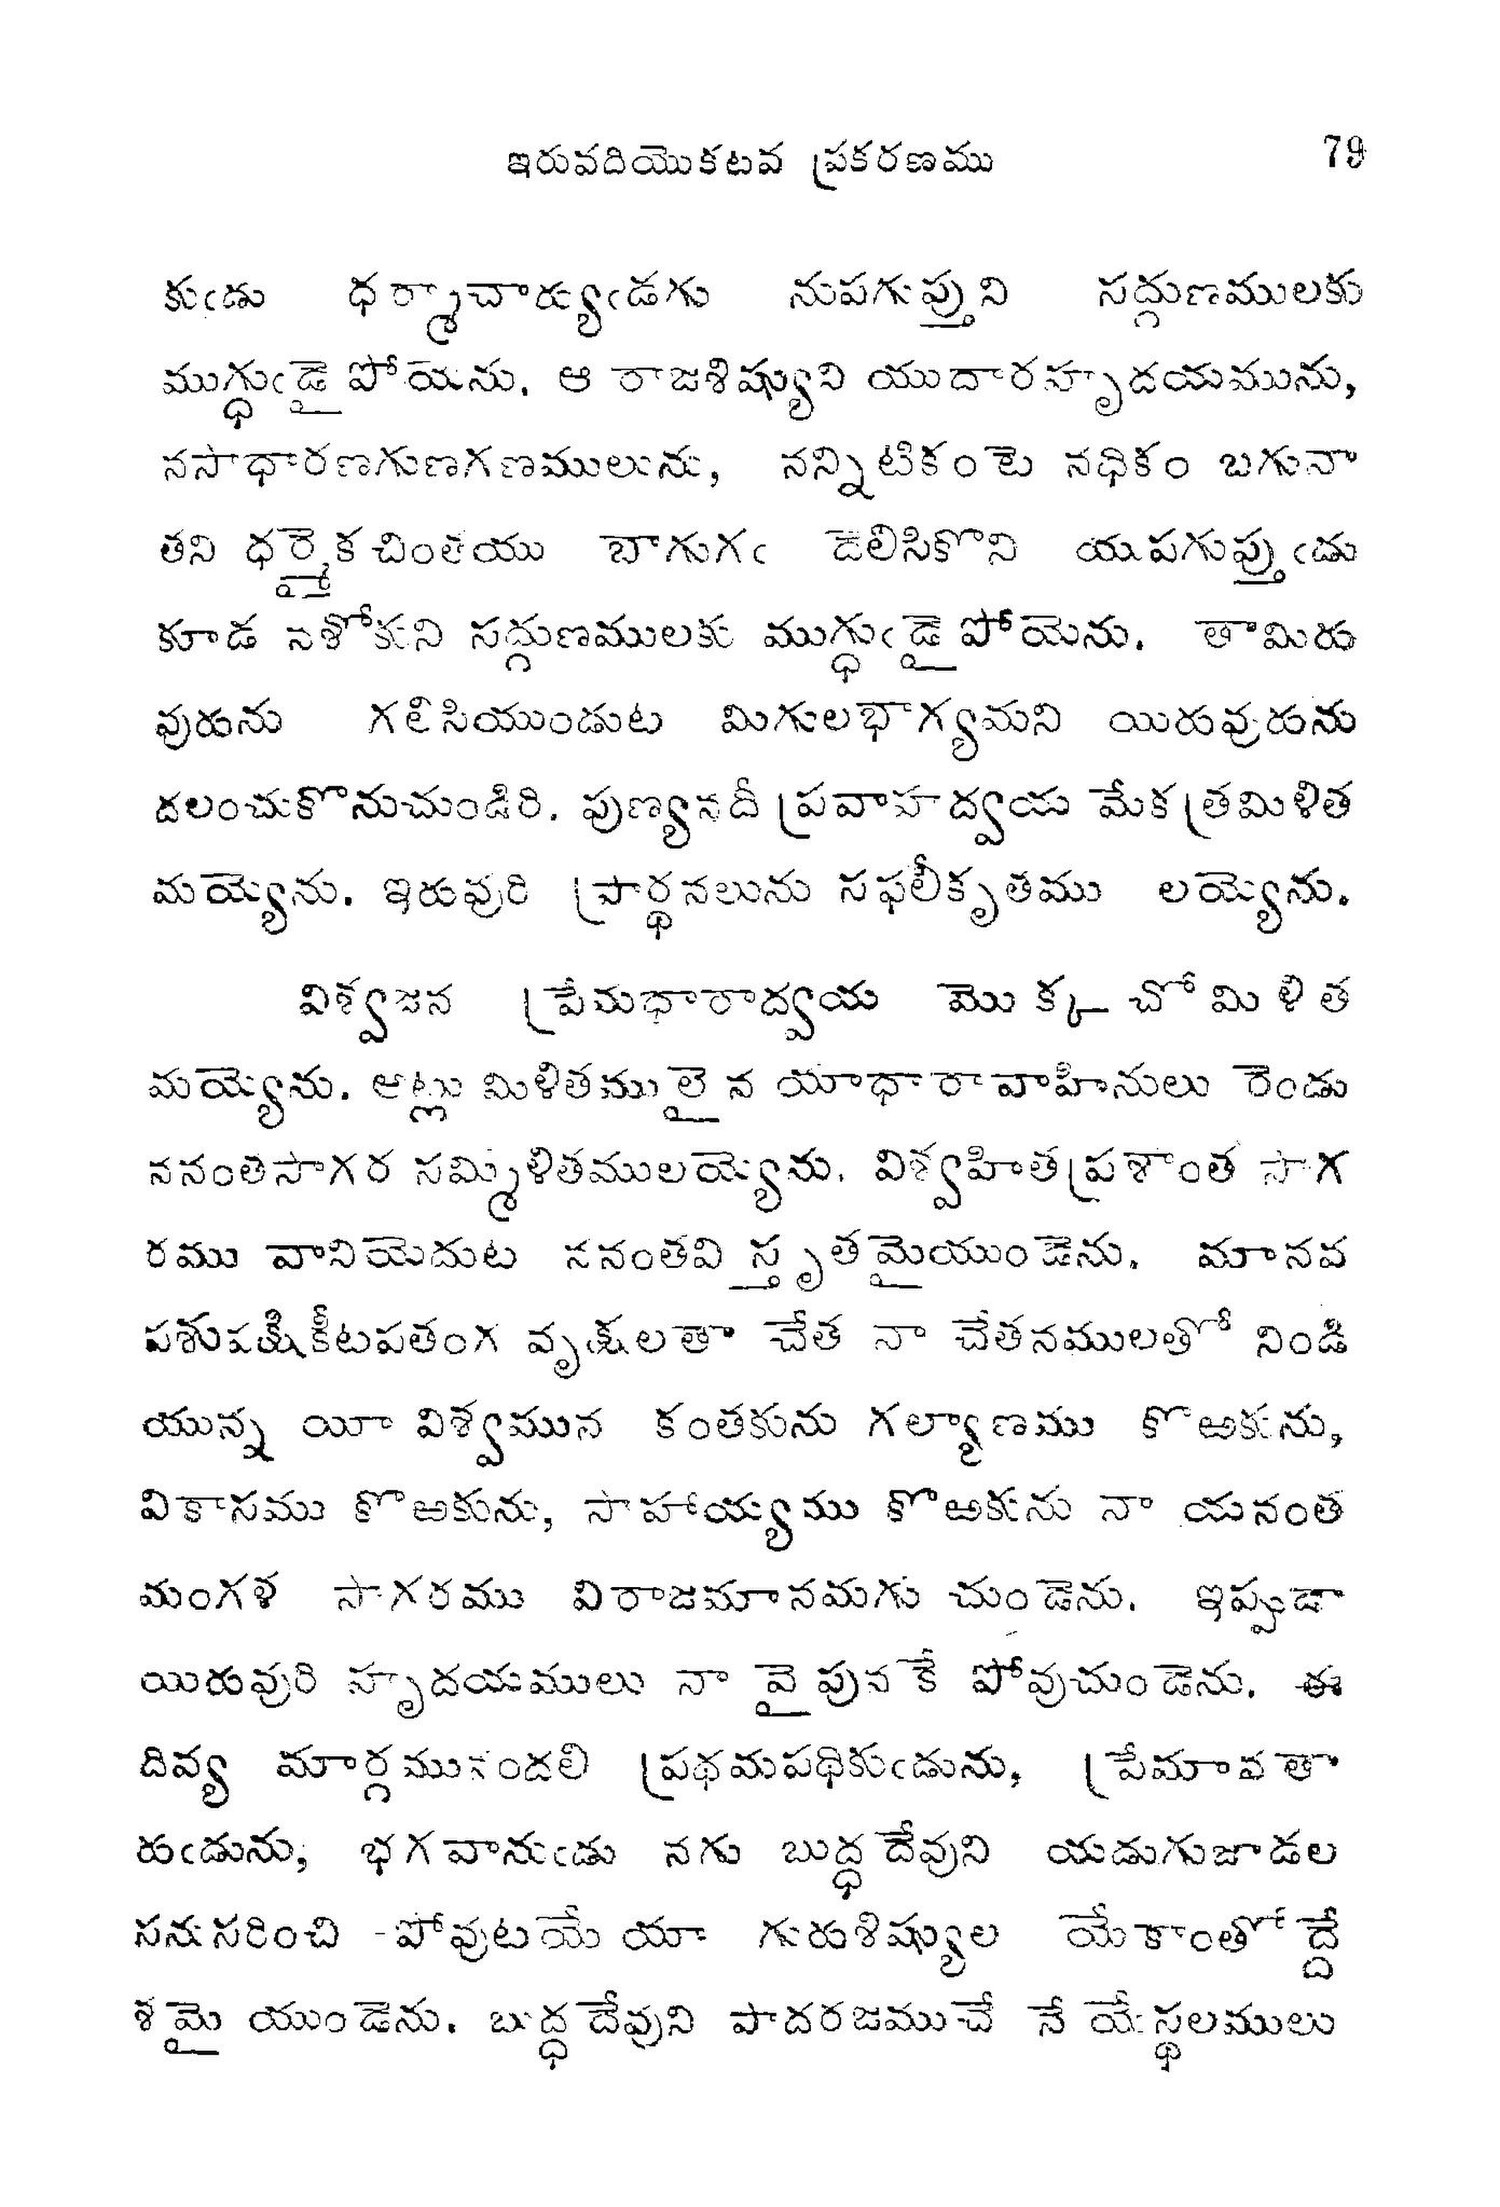కుఁడు ధర్మాచార్యుడగు నుపగు ప్తుని సద్గుణములకు ముగ్గుఁడై పోయెను, ఆ రాజశిష్యుని యుదారహృదయమును, నసాధారణగుణగణములును, నన్నిటికంటే నధికం బగునాతని ధర్మైక చింతయు బాగుగఁ డెలిసికొని యుపగుప్తుఁడు కూడ నశోకుని సద్గుణములకు ముగ్ధుఁడై పోయెను. తామిరువురును గలిసియుండుట మిగుల భాగ్యమని యిరువురును దలంచు కొనుచుండిరి. పుణ్యనదీ ప్రవాహ ద్వయ మేక త్రమిళిత మయ్యను. ఇరువురి ప్రార్థనలును సఫలీకృతము లయ్యెను.

విశ్వజన ప్రేమధారాద్వయ మొక్కచో మిళితమయ్యెను. ఆట్లు మిళితము లైన యాధారా వాహీనులు రెండు ననంతసాగర సమ్మిళితములయ్యేను, విశ్వహిత ప్రశాంత సొగరము వాని యెదుట సనంతవి స్తృతమైయుండెను. మానవ పశుపక్షి కీటపతంగ వృక్షుల తా చేత నా చేతనములతో నిండియున్న యీ విశ్వమున కంతకును గల్యాణము కొఱకును, వికాసము కొఱకును, సాహాయ్యము కొఱకును నా యనంత మంగళ సాగరము విరాజమానమగు చుండెను. ఇప్పుడా యిరువురి హృదయములు నా వై పున కే పోవుచుండెను. ఈ దివ్య మార్గము నందలి ప్రథమపథికుఁడును, ప్రేమావ తారుఁడును, భగవానుడు నగు బుద్ధ దేవుని యడుగుజాడల
సనుసరించి పోవుటయే యా గురుశిష్యుల యేకాంతో ద్దేశమై యుండెను. బుద్ధ దేవుని పాదరజముచే నే యే స్థలములు